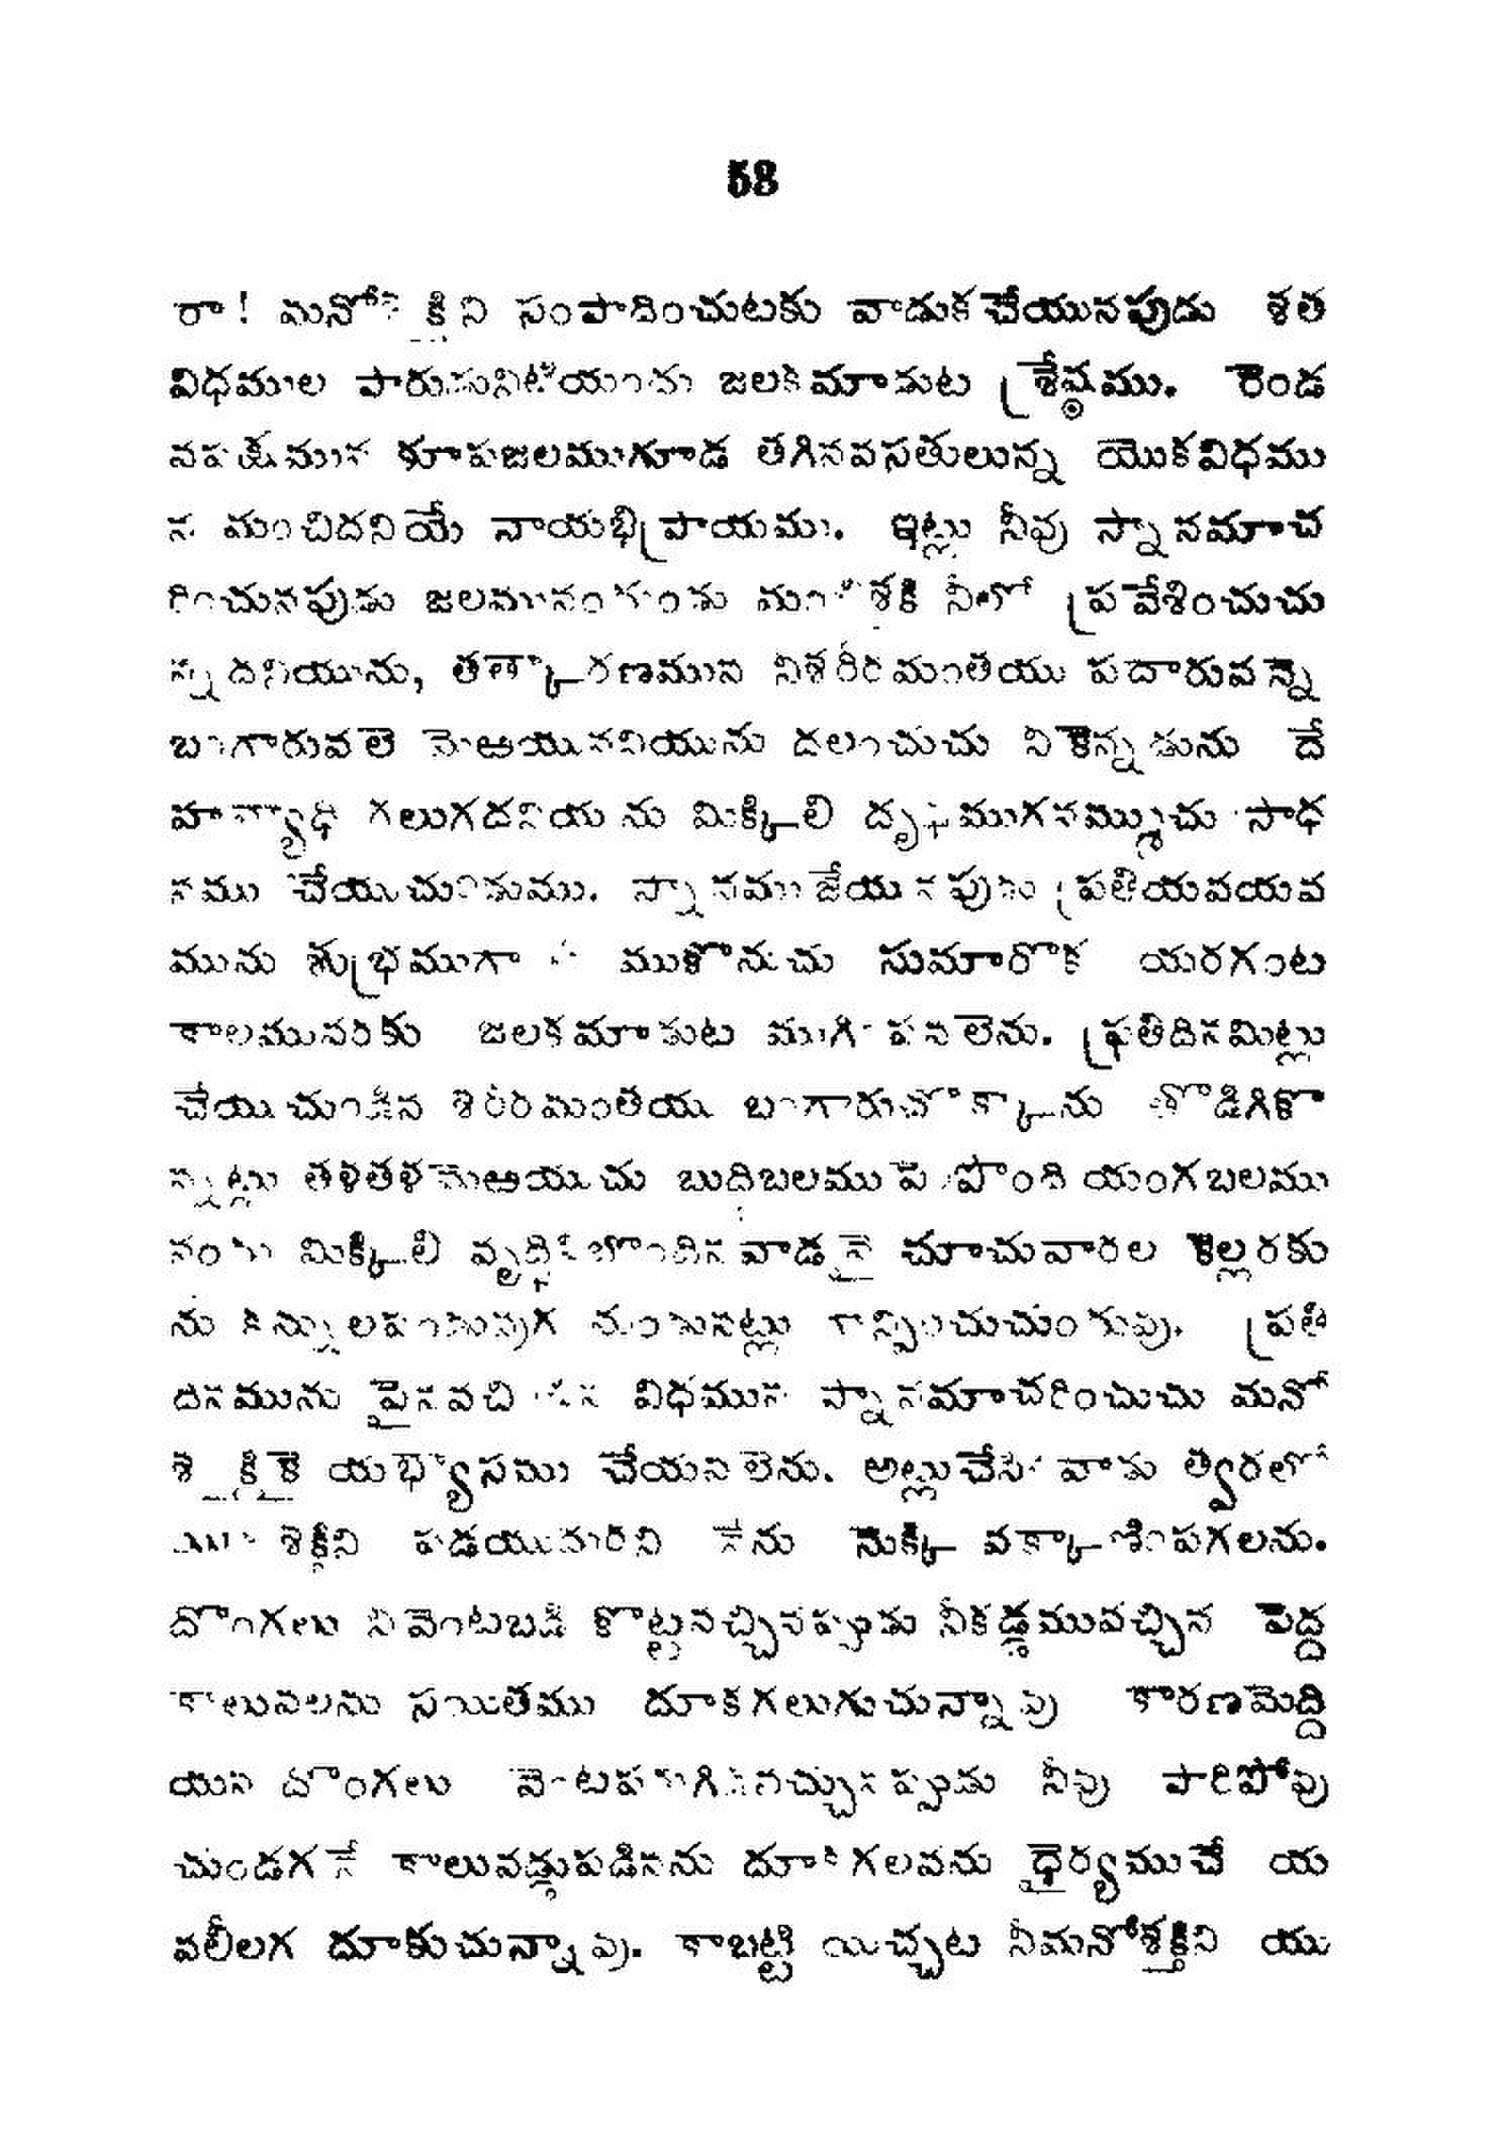రా ! మనోశక్తిని సంపాదించుటకు వాడుకచేయునపుడు శతవిధముల పారుడునీటియందు జలకమాడుట శ్రేష్ఠము. రెండవపక్షమున కూపజలముగూడ తగినవసతులున్న యొకవిధమున మంచిదనియే నాయభిప్రాయము. ఇట్లు నీవు స్నానమాచరించునపుడు జలమునందుండు మంచిశక్తి నీలో ప్రవేశించుచున్నదనియును, తత్కారణమున నీశరీరమంతయు పదారువన్నె
బంగారువలె మెఱయుననియును దలంచుచు నీకెన్నడును దేహవ్యాధి గలుగదనియును మిక్కిలి దృఢముగనమ్ముచు సాధనము చేయుచుండుము. స్నానముజేయునపుడు ప్రతియవయవమును శుభ్రముగా తోముకొనుచు సుమారొక యరగంట కాలమువరకు జలకమాడుట ముగింపవలెను. ప్రతిదినమిట్లు చేయుచుండిన శరీరమంతయు బంగారుచొక్కాను తొడిగికొన్నట్లు తళతళమెఱయుచు బుద్దిబలము పెంపొంది యంగబలము నందు మిక్కిలి వృద్ధినిబొందినవాడవై చూచువారల కెల్లరకును కన్నులపండువుగ నుండునట్లు గాన్పించుచుందువు. ప్రతిదినమును పైనవచించిన విధమున స్నానమాచరించుచు మనోశక్తికై యభ్యాసము చేయవలెను. అట్లుచేసినవాడు త్వరలో
యీశక్తిని పడయుదురని నేను నొక్కి వక్కాణింపగలను. దొంగలు నీవెంటబడి కొట్టవచ్చినప్పుడు నీకడ్డమువచ్చిన పెద్ద కాలువలను సయితము దూకగలుగుచున్నావు. కారణమెద్ది యన దొంగలు వెంటపరుగిడివచ్చునప్పుడు నీవు పారిపోపు చుండగనే కాలువడ్డుపడినను దూకగలవను ధైర్యముచే యవలీలగ దూకుచున్నావు. కాబట్టి యిచ్చట నీమనోశక్తిని యు